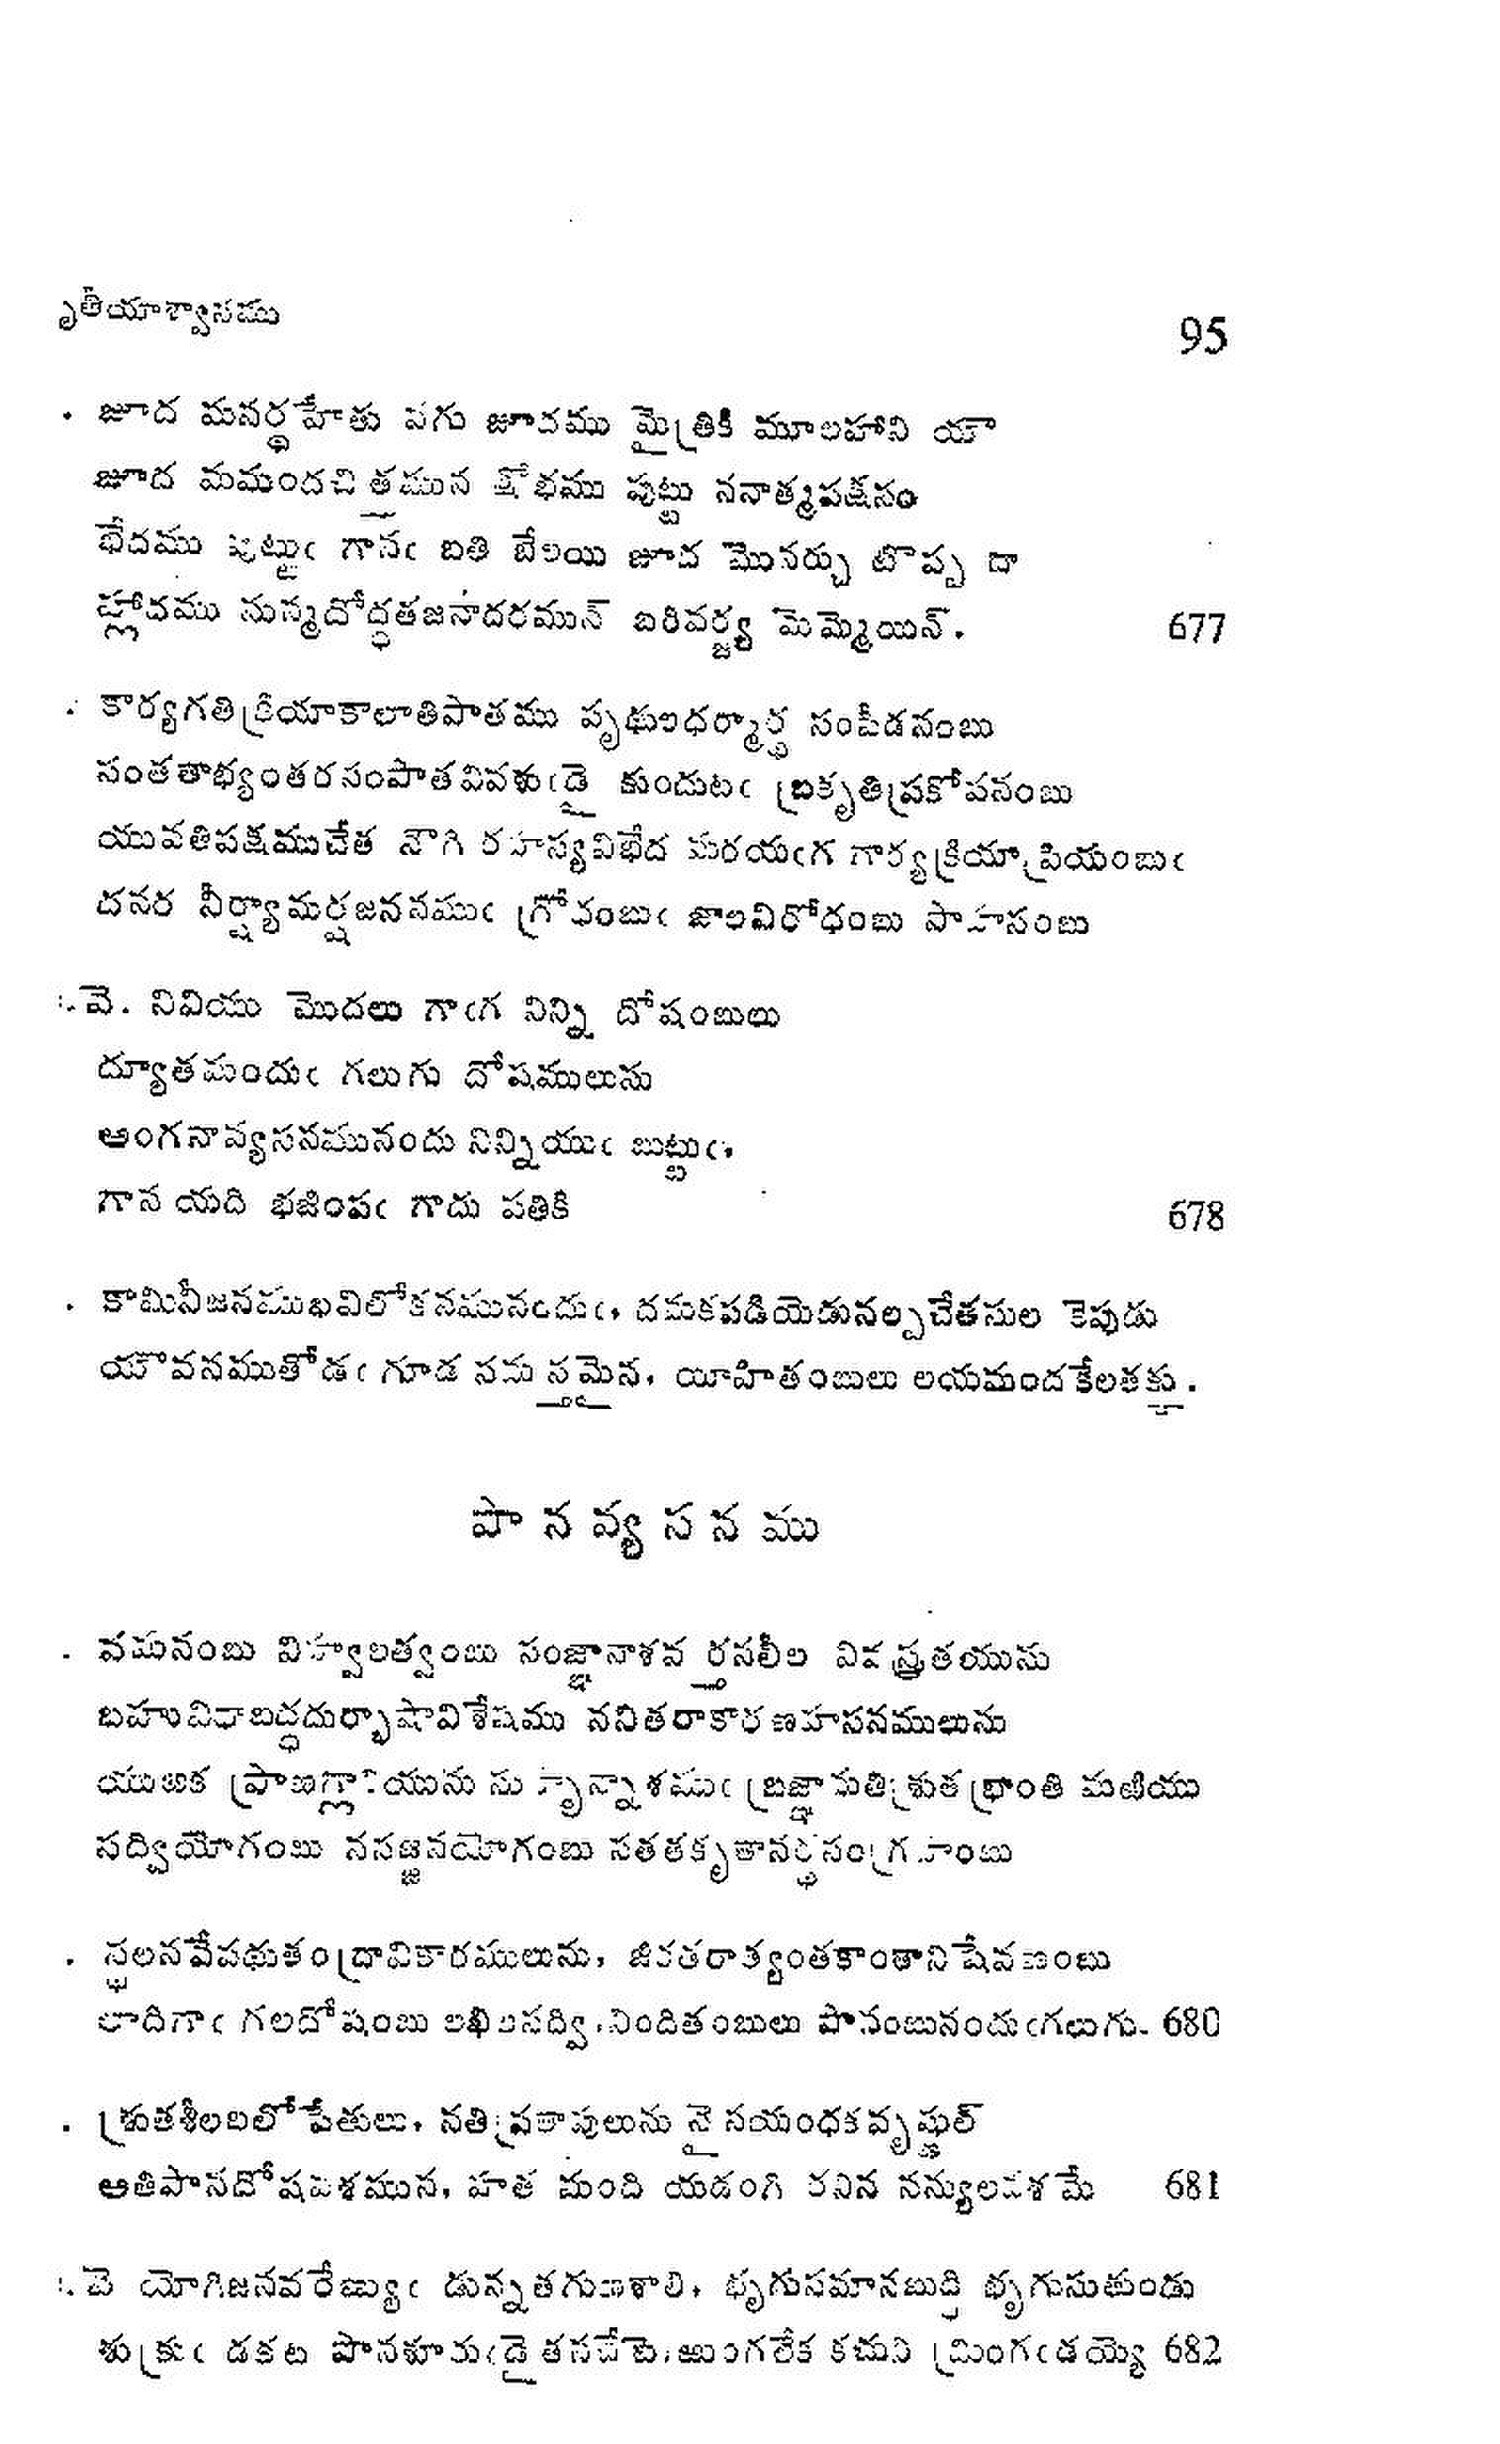ఉ. జూద మనర్థహేతు వగు జూదము మైత్రికి మూలహాని యౌ
జూద మమందచిత్తమున క్షోభము పుట్టు ననాత్మపక్షసం
భేదము పుట్టుఁ గానఁ బతి బేలయి జూద మొనర్చు టొప్ప దా
హ్లాదము నున్మదోద్ధతజనాదరమునన్ బరివర్జ్య మెమ్మెయిన్. 677

సీ. కార్యగతిక్రియాకాలాతిపాతము
పృథులధర్మార్థ సంపీడనంబు
సంతతాభ్యంతరసంపాతవివశుఁడై
కుందుటఁ బ్రకృతిప్రకోపనంబు
యువతిపక్షముచేత నొగి రహస్యవిభేద
మరయఁగ గార్యక్రియాప్రియంబుఁ
దనర నీర్ష్యామర్షజననముఁ గ్రోధంబుఁ
జాలవిరోధంబు సాహసంబు
ఆ. నివియు మొదలు గాఁగ నిన్ని దోషంబులు
ద్యూతమందుఁ గలుగు దోషములును
అంగనావ్యసనమునందు నిన్నియుఁ బుట్టుఁ
గాన యది భజింపఁ గాదు పతికి. 678

గీ. కామినీజనముఖవిలోకనమునందుఁ
దమకపడియెడు నల్పచేతసుల కెపుడు
యౌవనముతోడఁ గూడ సమస్తమైన
యీహితంబులు లయ మంద కేల తక్కు. 679

సీ. వమనంబు విహ్వలత్వంబు సంజ్ఞానాశ
వర్తనలీల వివస్త్రతయును
బహువిధాబద్ధదుర్భాషావిశేషము
ననితరాకారణహననములను
యుఱక ప్రాణగ్లానియును సుహృన్నాశముఁ
బ్రజ్ఞామతిశ్రుతభ్రాంతి మఱియు
సద్వియోగంబు నసజ్జనయోగంబు
సతతకృతానర్థసంగ్రహంబు
గీ. స్థలనవేపథుతంద్రావికారములును
జిరతరాత్యంతకాంతానిషేవణంబు
లాదిఁగా గల దోషంబు లఖిలసద్వి
నిందితంబులు పానంబునందుఁ గలుగు. 680

క. శ్రుతశీలబలోపేతులు
నతిప్రతాపులును నైన యంధకవృష్ణుల్
అతిపానదోషవశమున
హత మంది యడంగి రనిన నన్యులవశమే. 681

ఆ. యోగిజనవరేణ్యుఁ డున్నతగుణశాలి
భృగుసమానబుద్ధి భృగుసుతుండు
శుక్రుఁ డకట పానశూరుఁడై తనచే టె
ఱుంగలేక కచుని మ్రింగఁ డయ్యె. 682